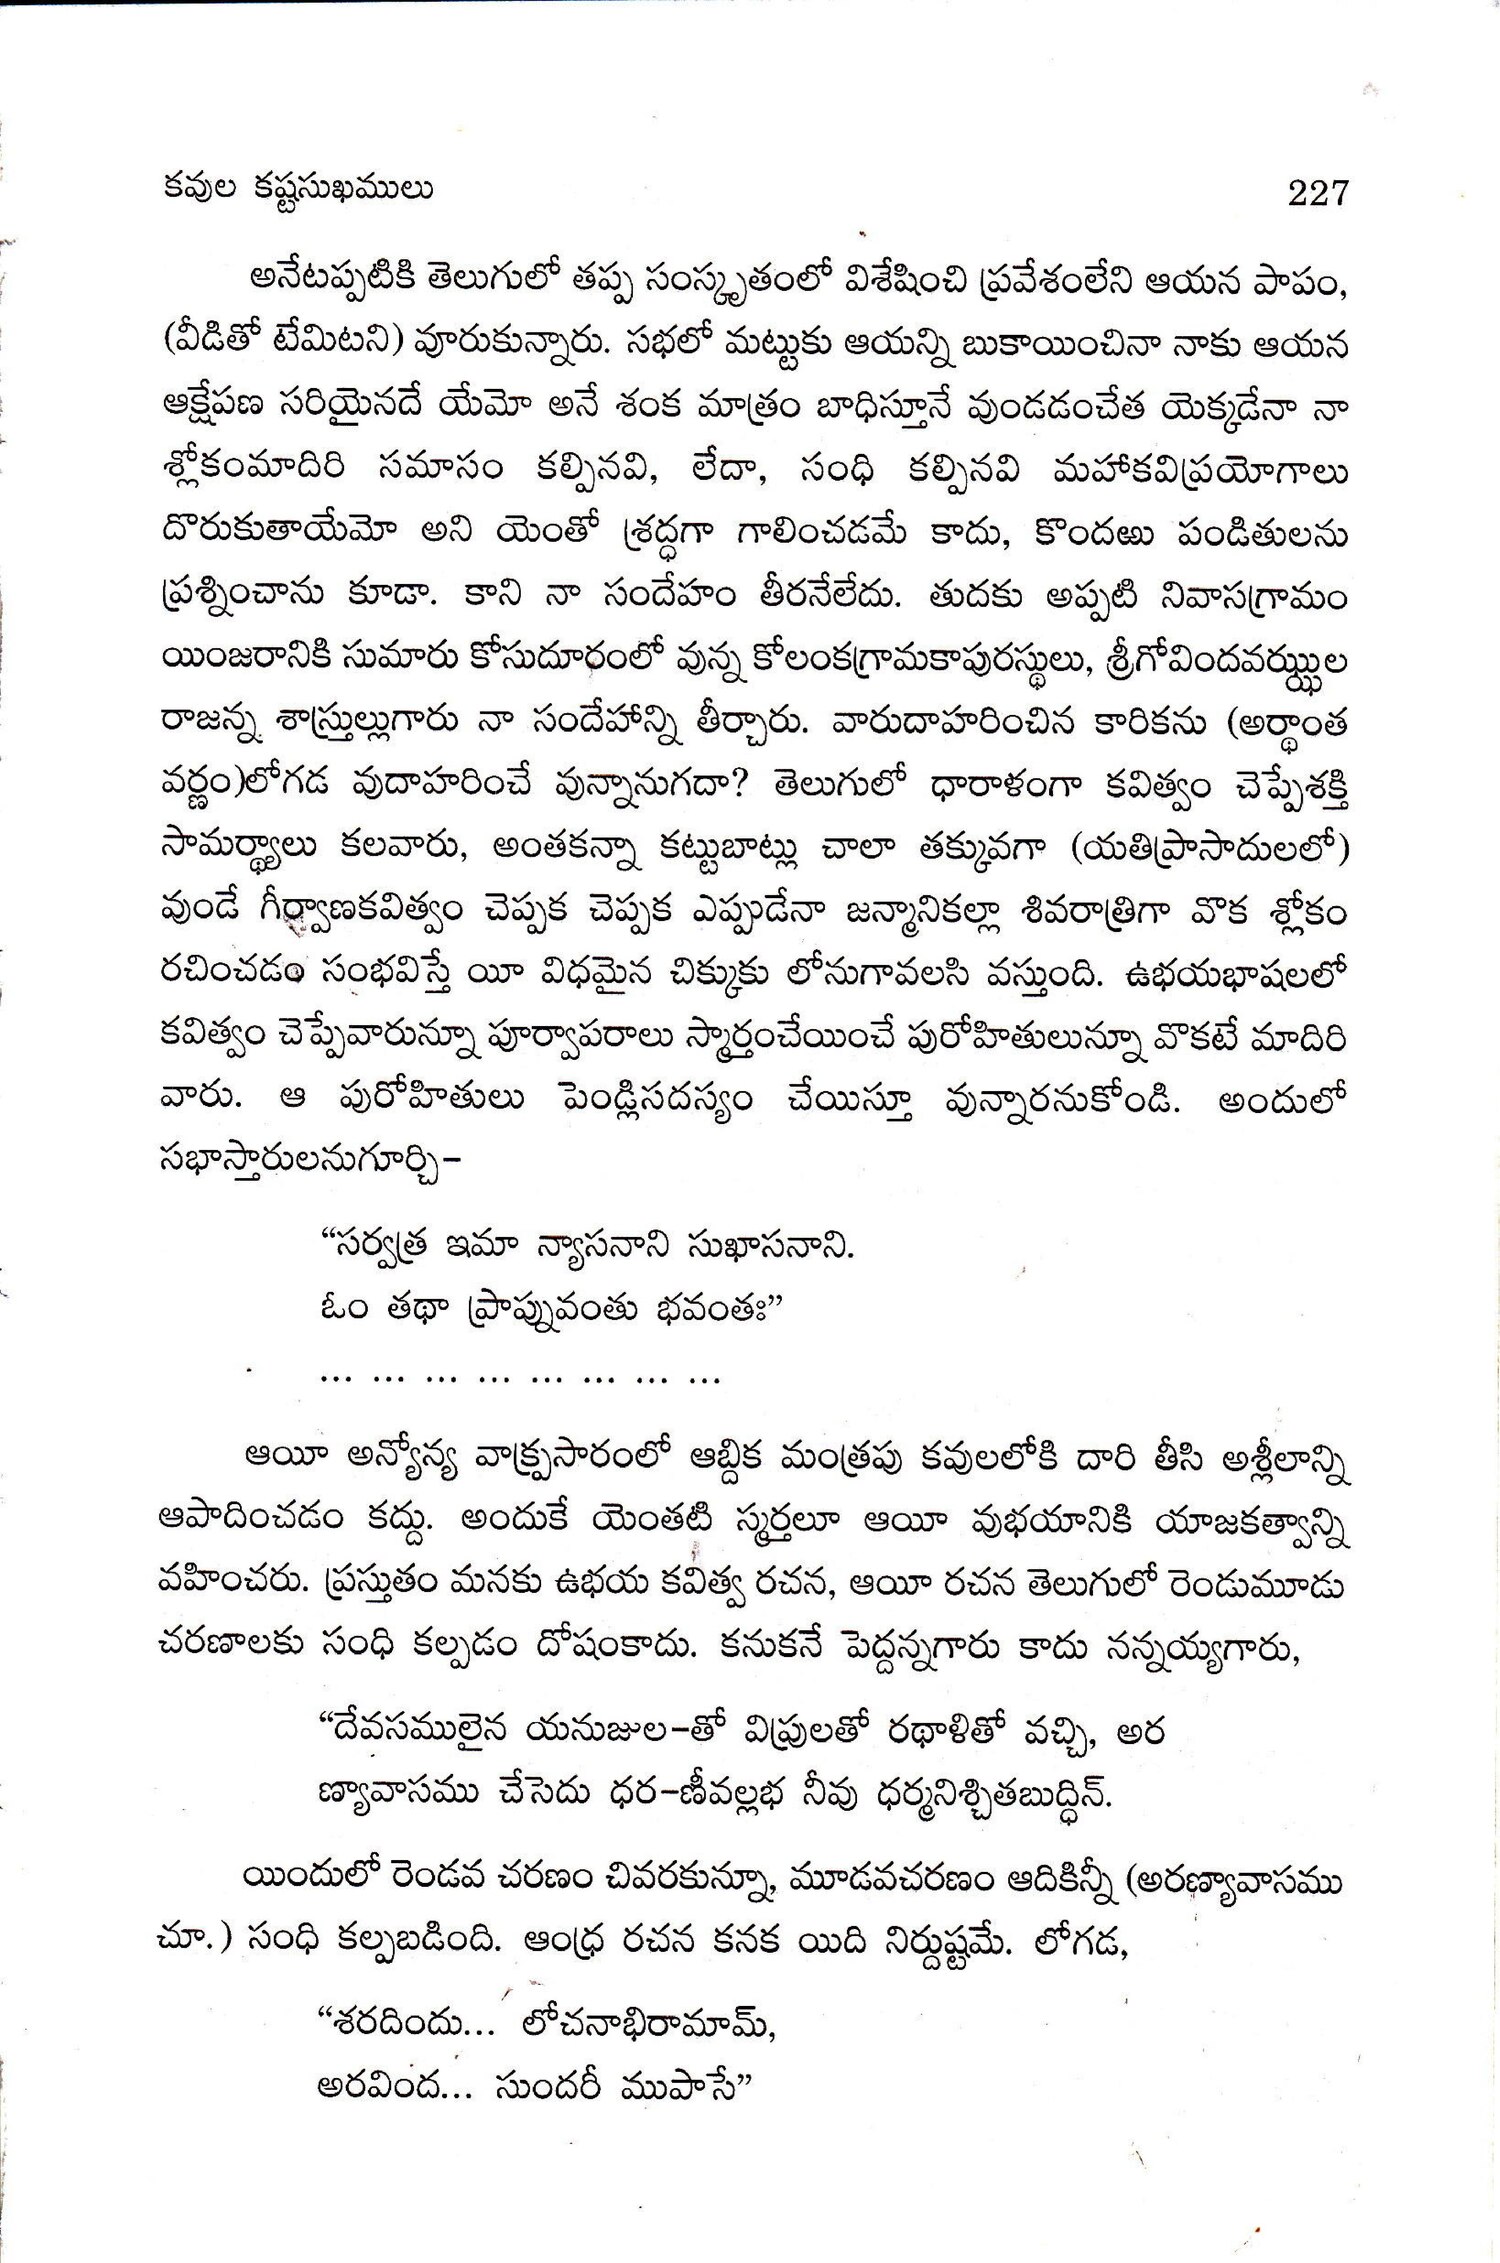అనేటప్పటికి తెలుగులో తప్ప సంస్కృతంలో విశేషించి ప్రవేశంలేని ఆయన పాపం, (వీడితో టేమిటని) వూరుకున్నారు. సభలో మట్టుకు ఆయన్ని బుకాయించినా నాకు ఆయన ఆక్షేపణ సరియైనదే యేమో అనే శంక మాత్రం బాధిస్తూనే వుండడంచేత యెక్కడేనా నా శ్లోకంమాదిరి సమాసం కల్పినవి, లేదా, సంధి కల్పినవి మహాకవి ప్రయోగాలు దొరుకుతాయేమో అని యెంతో శ్రద్ధగా గాలించడమే కాదు, కొందఱు పండితులను ప్రశ్నించాను కూడా. కాని నా సందేహం తీరనేలేదు. తుదకు అప్పటి నివాసగ్రామం యింజరానికి సుమారు కోసుదూరంలో వున్న కోలంకగ్రామకాపరస్థులు, శ్రీగోవిందవఝ్ఝుల రాజన్న శాస్త్రుల్లుగారు నా సందేహాన్ని తీర్చారు. వారుదాహరించిన కారికను (అర్ధాంత వర్ణం)లోగడ వుదాహరించే వున్నానుగదా? తెలుగులో ధారాళంగా కవిత్వం చెప్పేశక్తి సామర్థ్యాలు కలవారు, అంతకన్నా కట్టుబాట్లు చాలా తక్కువగా (యతిప్రాసాదులలో) వుండే గీర్వాణకవిత్వం చెప్పక చెప్పక ఎప్పడేనా జన్మానికల్లా శివరాత్రిగా వొక శ్లోకం రచించడం సంభవిస్తే యీ విధమైన చిక్కుకు లోనుగావలసి వస్తుంది. ఉభయభాషలలో కవిత్వం చెప్పేవారున్నూ పూర్వాపరాలు స్మార్తంచేయించే పురోహితులున్నూ వొకటే మాదిరి వారు. ఆ పురోహితులు పెండ్లిసదస్యం చేయిస్తూ వున్నారనుకోండి. అందులో సభాస్తారులనుగూర్చి

“సర్వత్ర ఇమా న్యాసనాని సుఖాసనాని. 
 ఓం తథా ప్రాప్నువంతు భవంతః"
 ........................................
ఆయీ అన్యోన్య వాక్ప్రసారంలో ఆబ్దిక మంత్రపు కవులలోకి దారి తీసి అశ్లీలాన్ని ఆపాదించడం కద్దు. అందుకే యెంతటి స్మర్తలూ ఆయీ వుభయానికి యాజకత్వాన్ని వహించరు. ప్రస్తుతం మనకు ఉభయ కవీత్వ రచన, ఆయీ రచన తెలుగులో రెండుమూడు చరణాలకు సంధి కల్పడం దోషంకాదు. కనుకనే పెద్దన్నగారు కాదు నన్నయ్యగారు,

“దేవసములైన యనుజుల-తో విప్రులతో రథాళితో వచ్చి, అర 
 ణ్యావాసము చేసెదు ధర-ణీవల్లభ నీవు ధర్మనిశ్చితబుద్ధిన్
యిందులో రెండవ చరణం చివరకున్నూ, మూడవచరణం ఆదికిన్నీ (అరణ్యావాసము చూ.) సంధి కల్పబడింది. ఆంధ్ర రచన కనక యిది నిర్దుష్టమే. లోగడ,

"శరదిందు. లోచనాభిరామామ్, 
 అరవింద. సుందరీ ముపాసే”